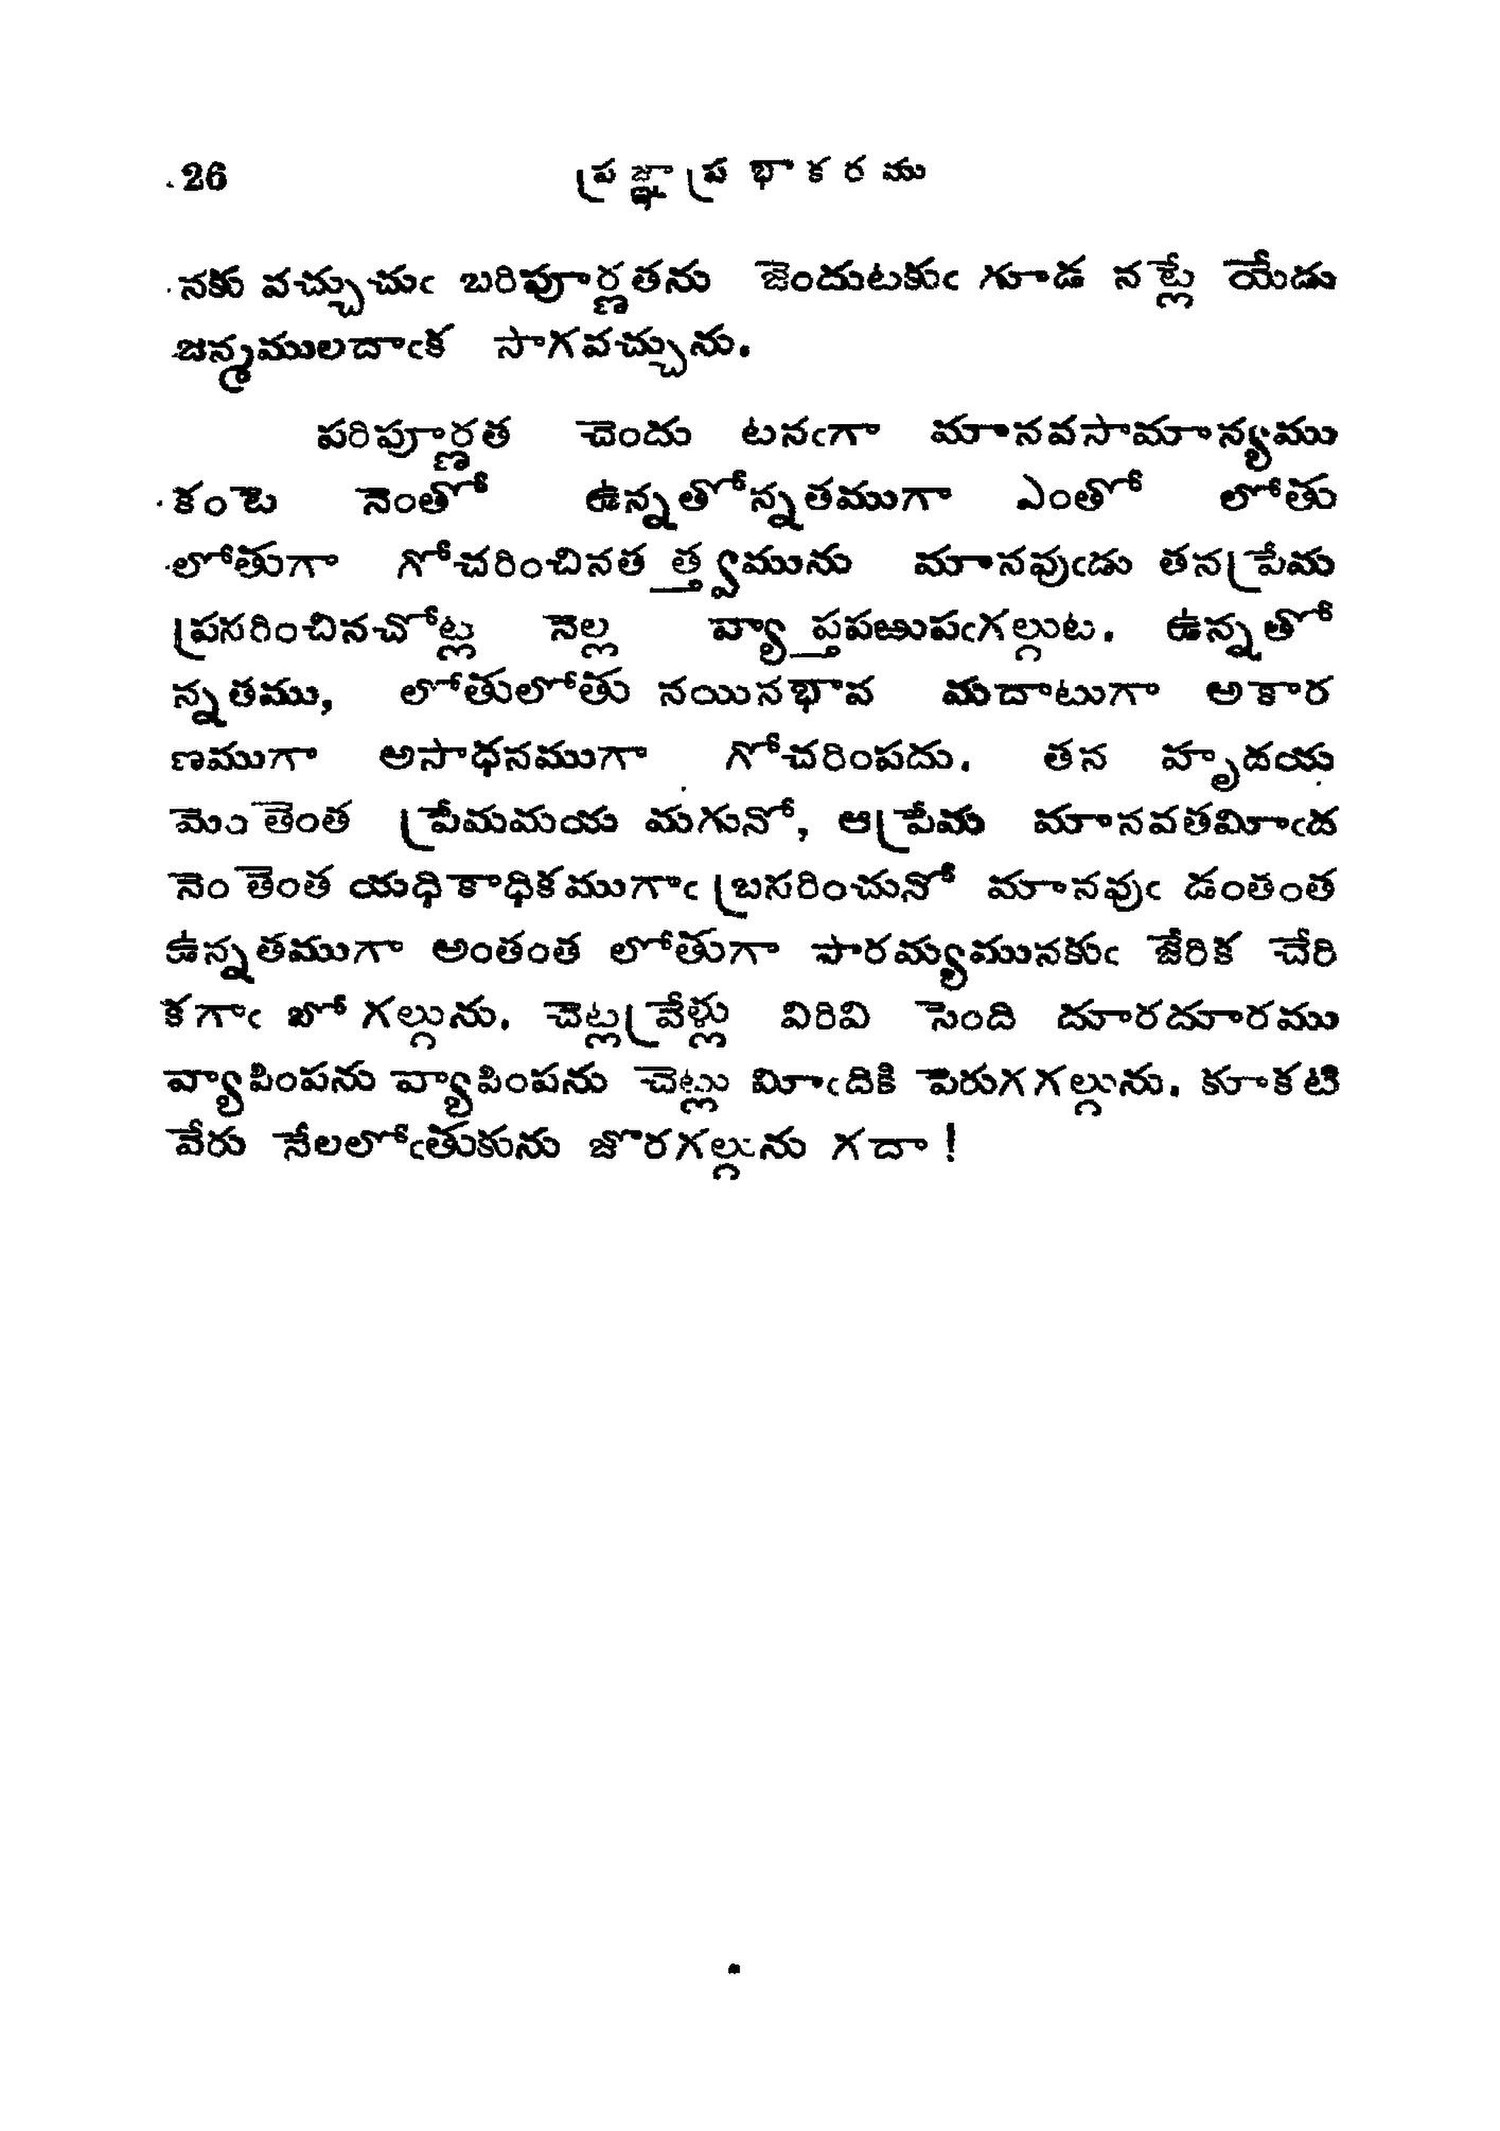వచ్చుచుఁ బరిపూర్ణతన జెందుటకుఁ గూడ నట్లే యేడు జన్మముల దాఁక సాగవచ్చును. 
 
పరిపూర్ణత చెందు టనఁ గా మానవసామాన్యము కంటె నెంతో ఉన్నతోన్నతముగా ఎంతో లోతులోతుగా గోచరించిన తత్త్వమును మానవుఁడు తన ప్రేమ ప్రసరించిన చోట్ల నెల్ల వ్యాప్తపఱుపఁ గల్గుట. ఉన్నతోన్నతము, లోతులోతు నయినభావ మదాటుగా ఆకారణముగా అసాధనముగా గోచరింపదు. తన హృదయ మెంతెంత ప్రేమమయమగునో, ఆ ప్రేమ మానవత మీద నెంతెంత యధికాధికముగాఁ బ్రసరించునో మానవుఁ డంతంత ఉన్నతముగా అంతంత లోతుగా పారమ్యమునకుఁ జేరిక చేరికగాఁ బోగల్గును. చెట్లవ్రేళ్ళు విరివి సెంది దూరదూరము వ్యాపింపను వ్యాపింపను చెట్లు మీదికి పెరుగగల్గును. కూకటి వేరు నెలలోఁ తుకును జొరగల్గును గాదా!